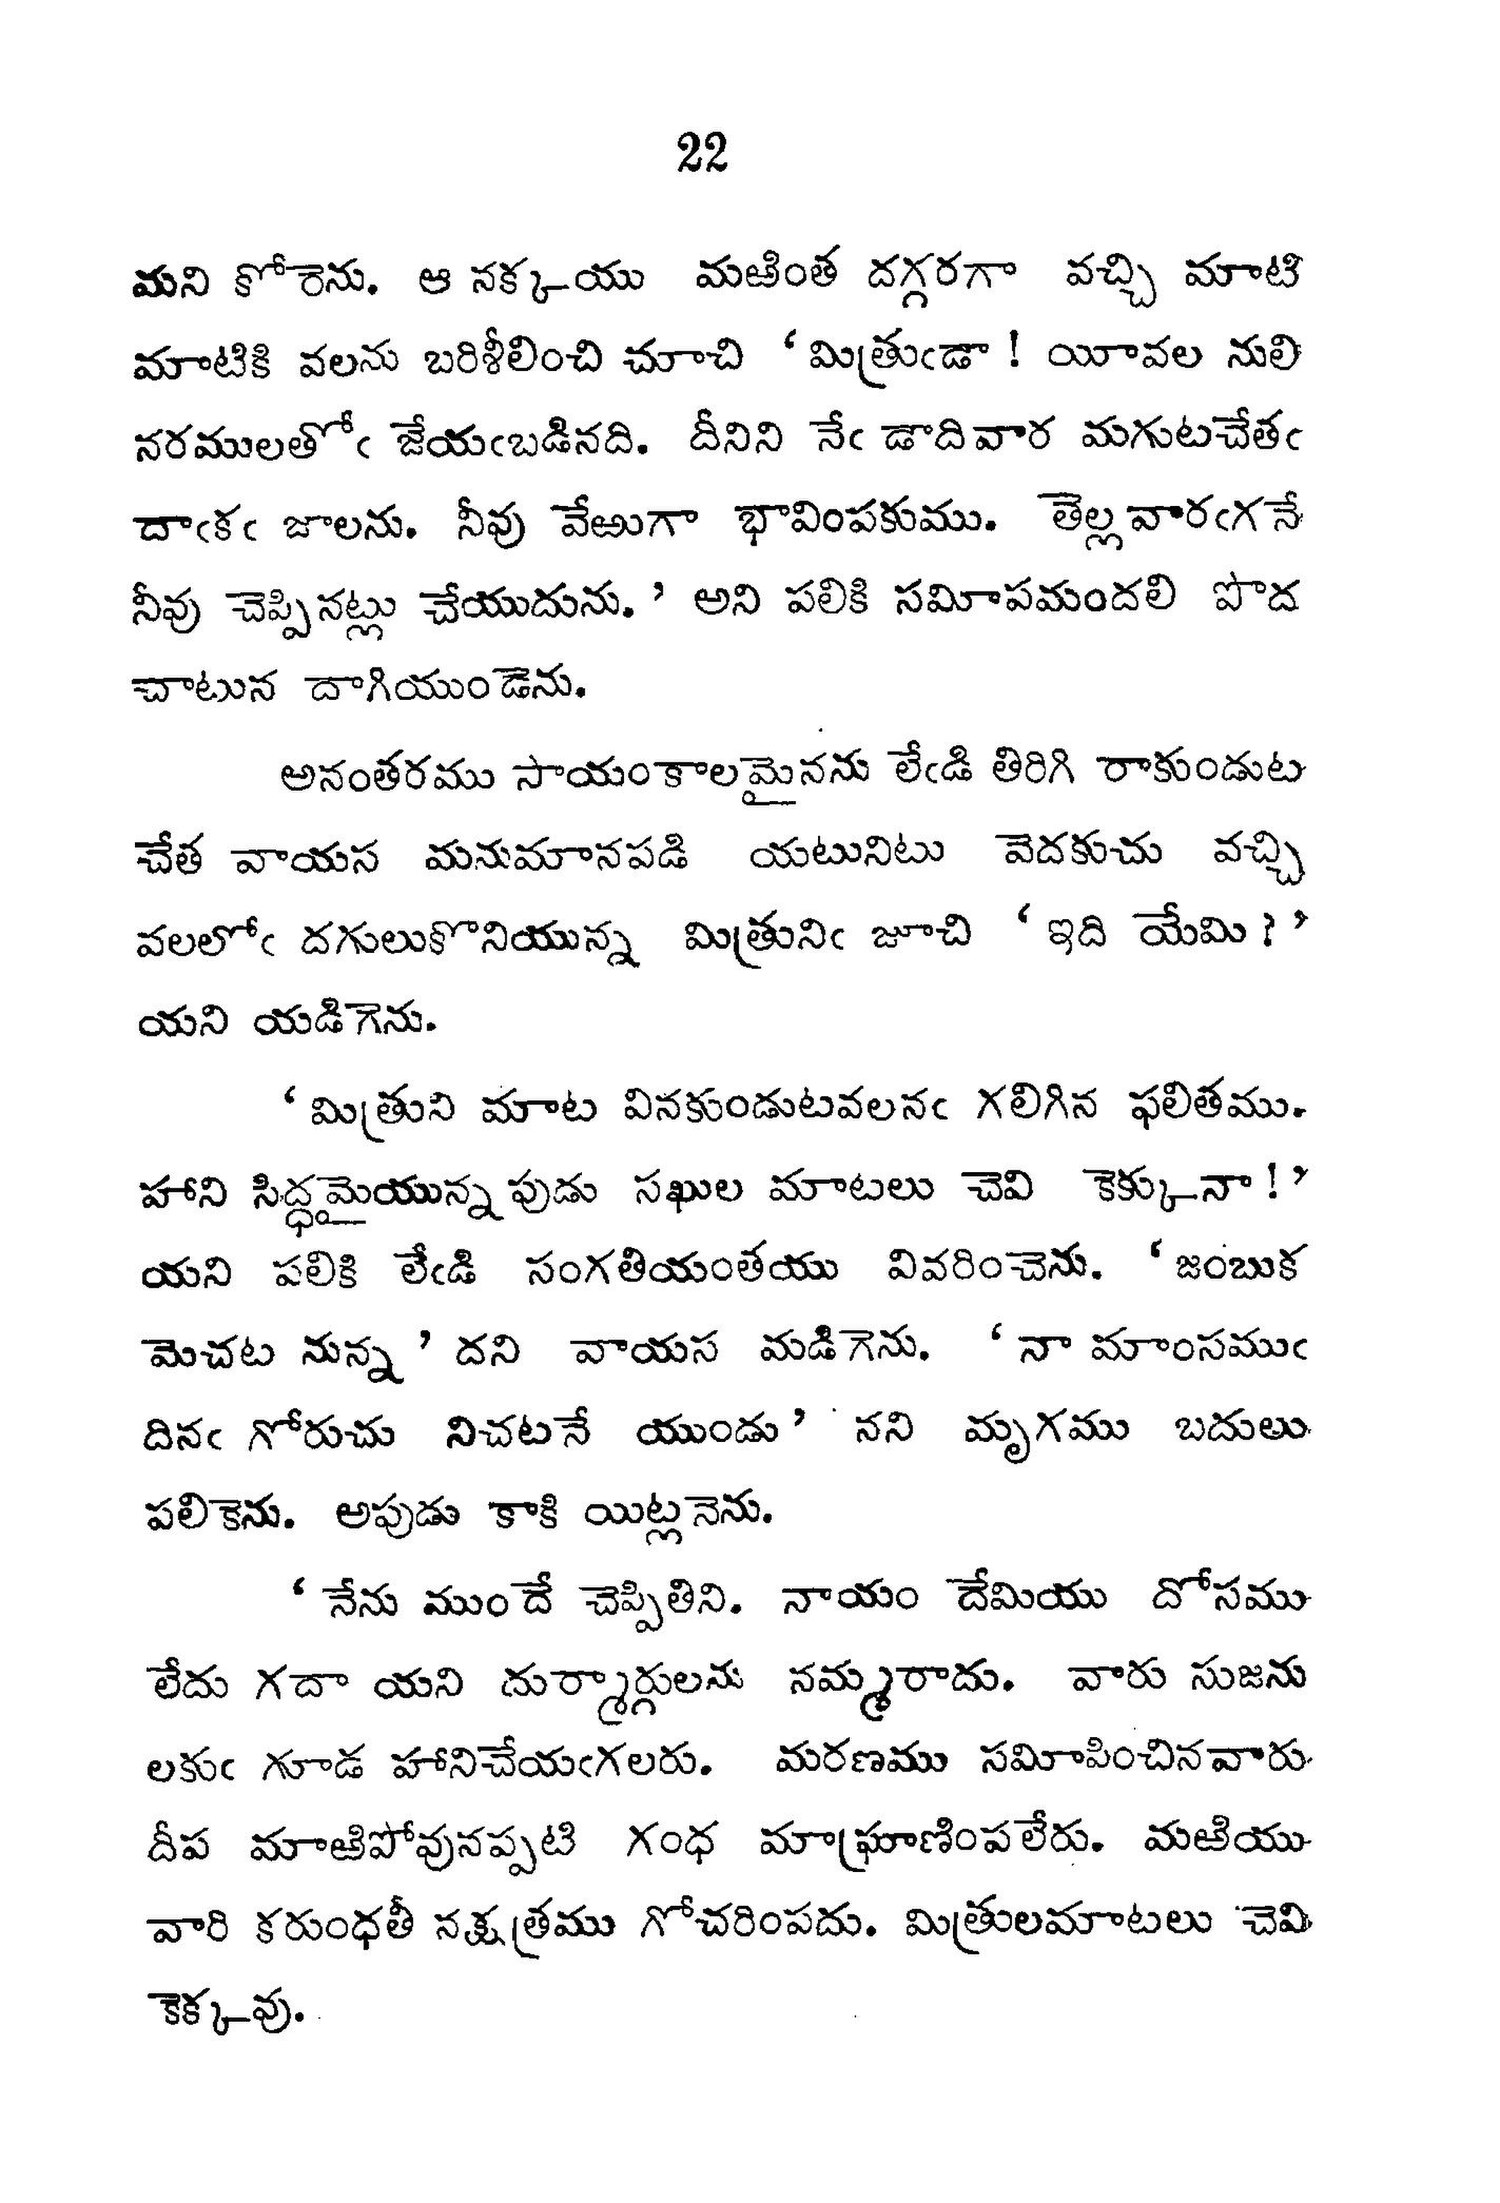మని కోరెను. ఆ నక్కయు మఱింత దగ్గరగా వచ్చి మాటిమాటికి వలను బరిశీలించి చూచి "మిత్రుడా! యీవల నులి నరములతో జేయబడినది. దీనిని నే డాదివార మగుటచేత దాక జాలను. నీవు వేఱుగా భావింపకుము. తెల్లవారగనే నీవు చెప్పినట్లు చేయుదును." అని పలికి సమీపమందలి పొదచాటున దాగియుండెను.

అనంతరము సాయంకాలమైనను లేడి తిరిగి రాకుండుట చేత వాయస మనుమానపడి యటునిటు వెదకుచు వచ్చి వలలో దగులుకొనియున్న మిత్రుని జూచి "ఇది యేమి?" యని యడిగెను.

"మిత్రుని మాట వినకుండుటవలన గలిగిన ఫలితము. హాని సిద్ధమైయున్నపుడు సఖుల మాటలు చెవి కెక్కునా!" యని పలికి లేడి సంగతియంతయు వివరించెను. "జంబుక మెచట నున్న" దని వాయస మడిగెను. "నా మాంసము దిన గోరుచు నిచటనే యుండు" నని మృగము బదులు పలికెను. అపుడు కాకి యిట్లనెను.

"నేను ముందే చెప్పితిని. నాయం దేమియు దోసము లేదు గదా యని దుర్మార్గులను నమ్మరాదు. వారు సుజనులకు గూడ హానిచేయగలరు. మరణము సమీపించినవారు దీప మాఱిపోవునప్పటి గంధ మాఘ్రాణింపలేరు. మఱియు వారి కరుంధతీ నక్షత్రము గోచరింపదు. మిత్రులమాటలు చెవికెక్కవు